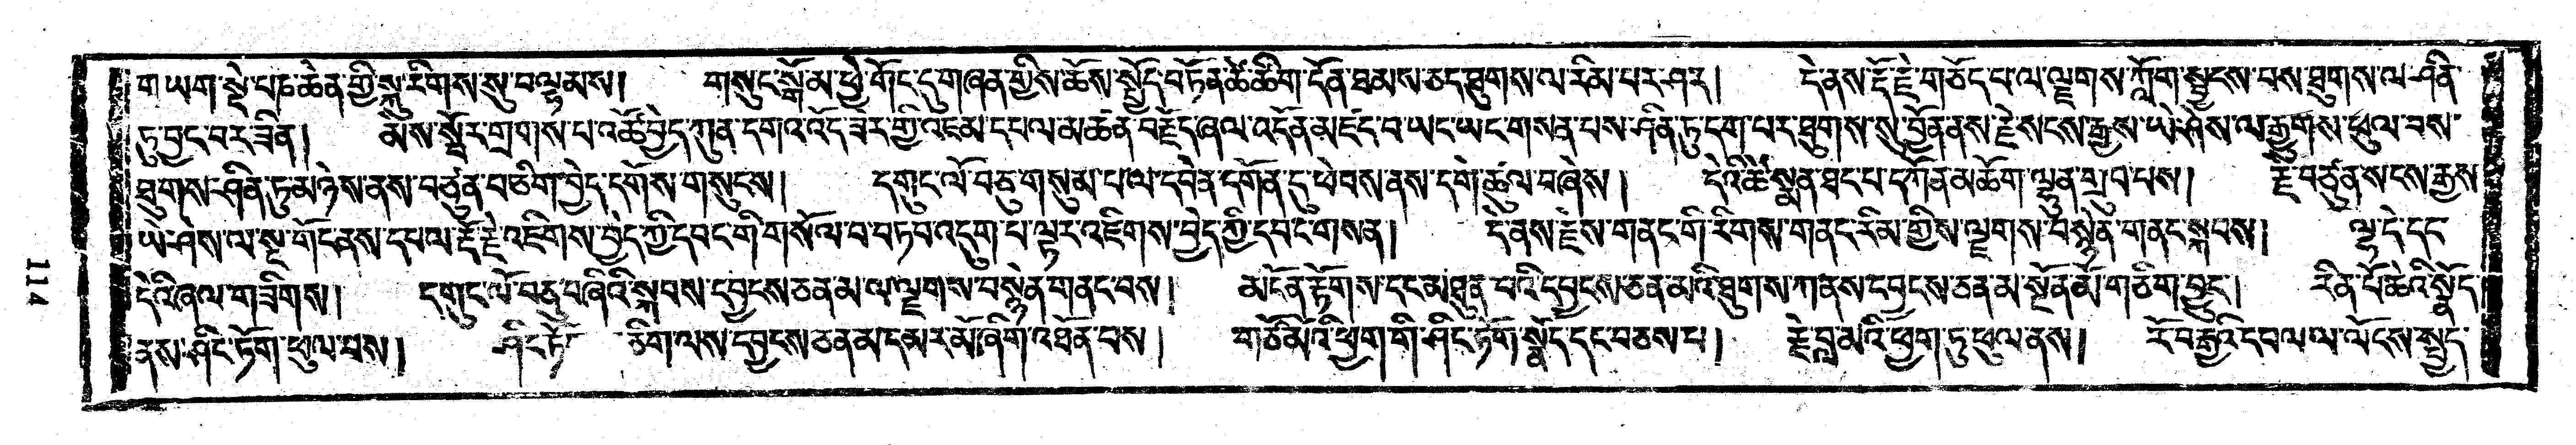གཡག་སྡེ་པཎ་ཆེན་གྱི་སྐུ་རིགས་སུ་བལྟམས། གསུང་སྒོ་མ་ཕྱེ་གོང་དུ་གཞན་གྱིས་ཆོས་སྤྱོད་བཏོན་ཚེ་ཚིག་དོན་ཐམས་ཅད་ཐུགས་ལ་རིམ་པར་ཤར། དེ་ནས་རྡོ་རྗེ་གཅོད་པ་ལ་ལྗགས་ཀློག་སྦྱངས་པས་ཐུགས་ལ་ཤིན་
ཏུ་བྱང་བར་ཟིན། མེས་སྦོར་གྲགས་པ་འཚོ་བྱེད་ཀུན་དགའ་འོད་ཟེར་གྱི་འཇམ་དཔལ་མཚན་བརྗོད་ཞལ་འདོན་མཛད་པ་ཡང་ཡང་གསན་པས་ཤིན་ཏུ་དག་པར་ཐུགས་སུ་བྱོན་ནས་རྗེ་སངས་རྒྱས་ཡེ་ཤེས་ལ་རྒྱུགས་ཕུལ་བས་
ཐུགས་ཤིན་ཏུ་མཉེས་ནས་བཙུན་པ་ཅིག་བྱེད་དགོས་གསུངས། དགུང་ལོ་བཅུ་གསུམ་པ་ལ་དབེན་དགོན་དུ་ཕེབས་ནས་དགེ་ཚུལ་བཞེས། དེའི་ཚེ་སྨན་ཐང་པ་དཀོན་མཆོག་ལྷུན་གྲུབ་པས། རྗེ་བཙུན་སངས་རྒྱས་
ཡེ་ཤེས་ལ་སྔ་གོང་ནས་དཔལ་རྡོ་རྗེ་འཇིགས་བྱེད་ཀྱི་དབང་གི་གསོལ་བ་བཏབ་འདུག་པ་ལྟར་འཇིགས་བྱེད་ཀྱི་དབང་གསན། དེ་ནས་རྗེས་གནང་གི་རིགས་གནང་རིམ་གྱིས་ལྗགས་བསྙེན་གནང་སྐབས། ལྷ་དེ་དང་
དེའི་ཞལ་གཟིགས། དགུང་ལོ་བཅུ་བཞིའི་སྐབས་དབྱངས་ཅན་མ་ལ་ལྗགས་བསྙེན་གནང་བས། མངོན་རྟོགས་དང་མཐུན་པའི་དབྱངས་ཅན་མའི་ཐུགས་ཀ་ནས་དབྱངས་ཅན་མ་སྔོན་མོ་གཅིག་བྱུང་། རིན་པོ་ཆེའི་སྣོད་
ནས་ཤིང་ཏོག་ཕུལ་བས། ཤིང་ཏོག་གཅིག་ལས་དབྱངས་ཅན་མ་དམར་མོ་ཞིག་འཐོན་པས། གཙོ་མོའི་ཕྱག་གི་ཤིང་ཏོག་སྣོད་དང་བཅས་པ། རྗེ་བླ་མའི་ཕྱག་ཏུ་ཕུལ་ནས། རོ་བརྒྱའི་དཔལ་ལ་ལོངས་སྤྱད་